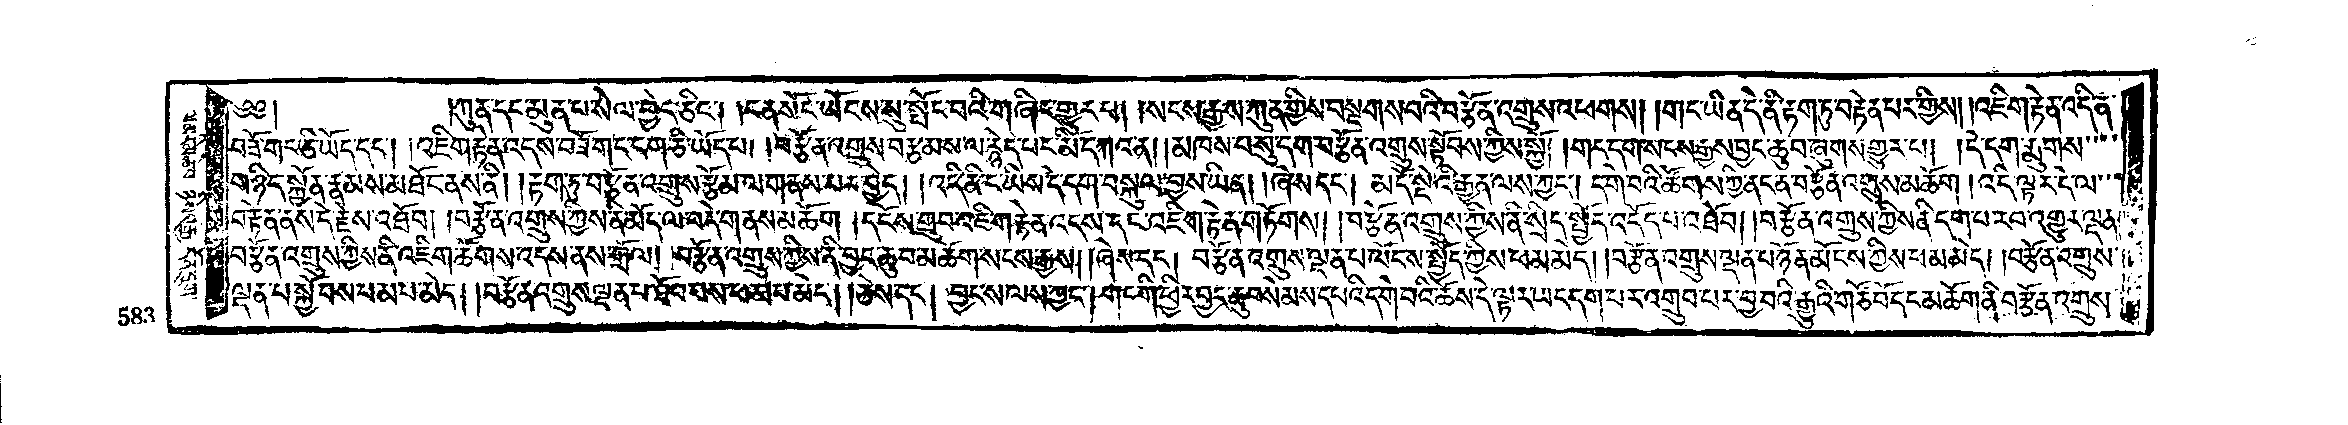༄༅། །ཀུན་དང་མུན་པ་སེལ་བྱེད་ཅིང་། །ངན་སོང་ཡོངས་སུ་སྤོང་བའི་གཞིར་གྱུར་པ། །སངས་རྒྱས་ཀུན་གྱིས་བསྔགས་པའི་བརྩོན་འགྲུས་འཕགས། །གང་ཡིན་དེ་ནི་རྟག་ཏུ་བརྟེན་པར་གྱིས། །འཇིག་རྟེན་འདི་ན་
བཟོ་གང་ཅི་ཡོད་དང་། །འཇིག་རྟེན་འདས་བཟོ་གང་དག་ཅི་ཡོད་པ། །བརྩོན་འགྲུས་བརྩམས་ལ་རྙེད་པར་མི་དཀའ་ན། །མཁས་པ་སུ་དག་བརྩོན་འགྲུས་སྟོབས་ཀྱིས་སྐྱོ། །གང་དག་སངས་རྒྱས་བྱང་ཆུབ་ཞུགས་གྱུར་པ། །དེ་དག་རྨུགས་
གཉིད་སྐྱོན་རྣམས་མཐོང་ནས་ནི། །རྟག་ཏུ་བརྩོན་འགྲུས་རྩོམ་ལ་གནས་པར་བྱེད། །འདི་ནི་ང་ཡིས་དེ་དག་བསྐུལ་བྱས་ཡིན། །ཞེས་དང་། མདོ་སྡེའི་རྒྱན་ལས་ཀྱང་། དགེ་བའི་ཚོགས་ཀྱི་ནང་ན་བརྩོན་འགྲུས་མཆོག །འདི་ལྟར་དེ་ལ་
བརྟེན་ནས་དེ་རྗེས་འཐོབ། །བརྩོན་འགྲུས་ཀྱིས་ནི་མོད་ལ་བདེ་གནས་མཆོག །དངོས་གྲུབ་འཇིག་རྟེན་འདས་དང་འཇིག་རྟེན་གཏོགས། །བརྩོན་འགྲུས་ཀྱིས་ནི་སྲིད་སྤྱོད་འདོད་པ་འཐོབ། །བརྩོན་འགྲུས་ཀྱིས་ནི་དག་པ་རབ་འགྱུར་ལྡན། །
བརྩོན་འགྲུས་ཀྱིས་ནི་འཇིག་ཚོགས་འདས་ནས་གྲོལ། །བརྩོན་འགྲུས་ཀྱིས་ནི་བྱང་ཆུབ་མཆོག་སངས་རྒྱས། །ཞེས་དང་། བརྩོན་འགྲུས་ལྡན་པ་ལོངས་སྤྱོད་ཀྱིས་ཕམ་མེད། །བརྩོན་འགྲུས་ལྡན་པ་ཉོན་མོངས་ཀྱིས་ཕམ་མེད། །བརྩོན་འགྲུས་
ལྡན་པ་སྐྱོ་བས་ཕམ་པ་མེད། །བརྩོན་འགྲུས་ལྡན་པ་ཐོབ་པས་ཕམ་པ་མེད། །ཅེས་དང་། བྱང་ས་ལས་ཀྱང་། གང་གི་ཕྱིར་བྱང་ཆུབ་སེམས་དཔའི་དགེ་བའི་ཆོས་དེ་ལྟར་ཡང་དག་པར་འགྲུབ་པར་བྱ་བའི་རྒྱུའི་གཙོ་བོ་དང་མཆོག་ནི་བརྩོན་འགྲུས་